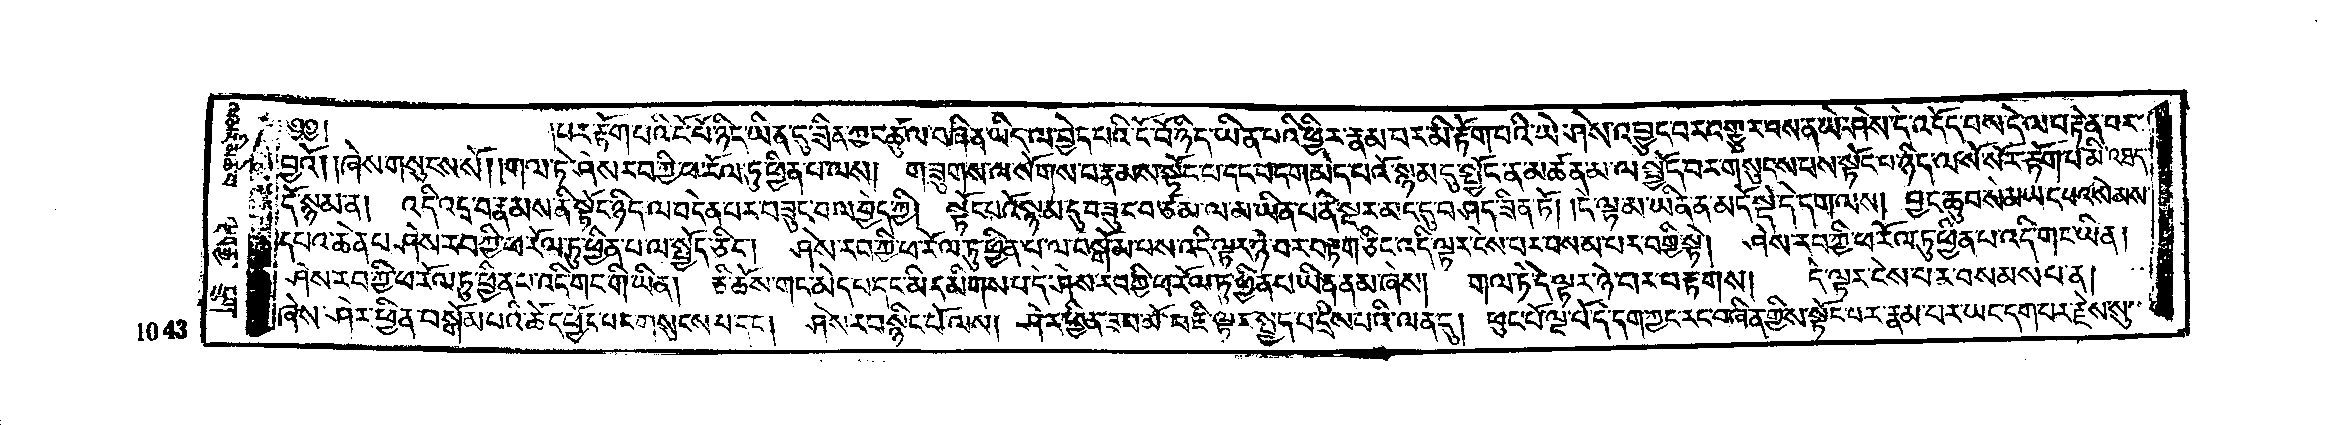༄༅། །པར་རྟོག་པའི་ངོ་བོ་ཉིད་ཡིན་དུ་ཟིན་ཀྱང་ཚུལ་བཞིན་ཡིད་ལ་བྱེད་པའི་ངོ་བོ་ཉིད་ཡིན་པའི་ཕྱིར་རྣམ་པར་མི་རྟོག་པའི་ཡེ་ཤེས་འབྱུང་བར་འགྱུར་བས་ན་ཡེ་ཤེས་དེ་འདོད་པས་དེ་ལ་བརྟེན་པར་
བྱའོ༑ ༑ཞེས་གསུངས་སོ། །གལ་ཏེ་ཤེས་རབ་ཀྱི་ཕ་རོལ་ཏུ་ཕྱིན་པ་ལས། གཟུགས་ལ་སོགས་པ་རྣམས་སྟོང་པ་དང་བདག་མེད་པའོ་སྙམ་དུ་སྤྱོད་ན་མཚན་མ་ལ་སྤྱོད་པར་གསུངས་པས་སྟོང་པ་ཉིད་ལ་སོ་སོར་རྟོག་པ་མི་འཐད་
དོ་སྙམ་ན། འདི་འདྲ་བ་རྣམས་ནི་སྟོང་ཉིད་ལ་བདེན་པར་བཟུང་བ་ལ་བྱེད་ཀྱི། སྟོང་པའོ་སྙམ་དུ་བཟུང་བ་ཙམ་ལ་མ་ཡིན་པ་ནི་སྔར་མང་དུ་བཤད་ཟིན་ཏོ། །དེ་ལྟ་མ་ཡིན་ན་མདོ་སྡེ་དེ་དག་ལས། བྱང་ཆུབ་སེམས་དཔའ་སེམས་
དཔའ་ཆེན་པོ་ཤེས་རབ་ཀྱི་ཕ་རོལ་ཏུ་ཕྱིན་པ་ལ་སྤྱོད་ཅིང་། ཤེས་རབ་ཀྱི་ཕ་རོལ་ཏུ་ཕྱིན་པ་ལ་བསྒོམ་པས་འདི་ལྟར་ཉེ་བར་བརྟག་ཅིང་འདི་ལྟར་ངེས་པར་བསམ་པར་བགྱི་སྟེ། ཤེས་རབ་ཀྱི་ཕ་རོལ་ཏུ་ཕྱིན་པ་འདི་གང་ཡིན།
ཤེས་རབ་ཀྱི་ཕ་རོལ་ཏུ་ཕྱིན་པ་འདི་གང་གི་ཡིན། ཅི་ཆོས་གང་མེད་པ་དང་མི་དམིགས་པ་དེ་ཤེས་རབ་ཀྱི་ཕ་རོལ་ཏུ་ཕྱིན་པ་ཡིན་ནམ་ཞེས། གལ་ཏེ་དེ་ལྟར་ཉེ་བར་བརྟགས། དེ་ལྟར་ངེས་པར་བསམས་པ་ན།
ཞེས་ཤེར་ཕྱིན་བསྒོམ་པའི་ཚེ་དཔྱོད་པར་གསུངས་པ་དང་། ཤེས་རབ་སྙིང་པོ་ལས། ཤེར་ཕྱིན་ཟབ་མོ་ལ་ཇི་ལྟར་སྤྱད་པ་དྲིས་པའི་ལན་དུ། ཕུང་པོ་ལྔ་པོ་དེ་དག་ཀྱང་རང་བཞིན་གྱིས་སྟོང་པར་རྣམ་པར་ཡང་དག་པར་རྗེས་སུ་